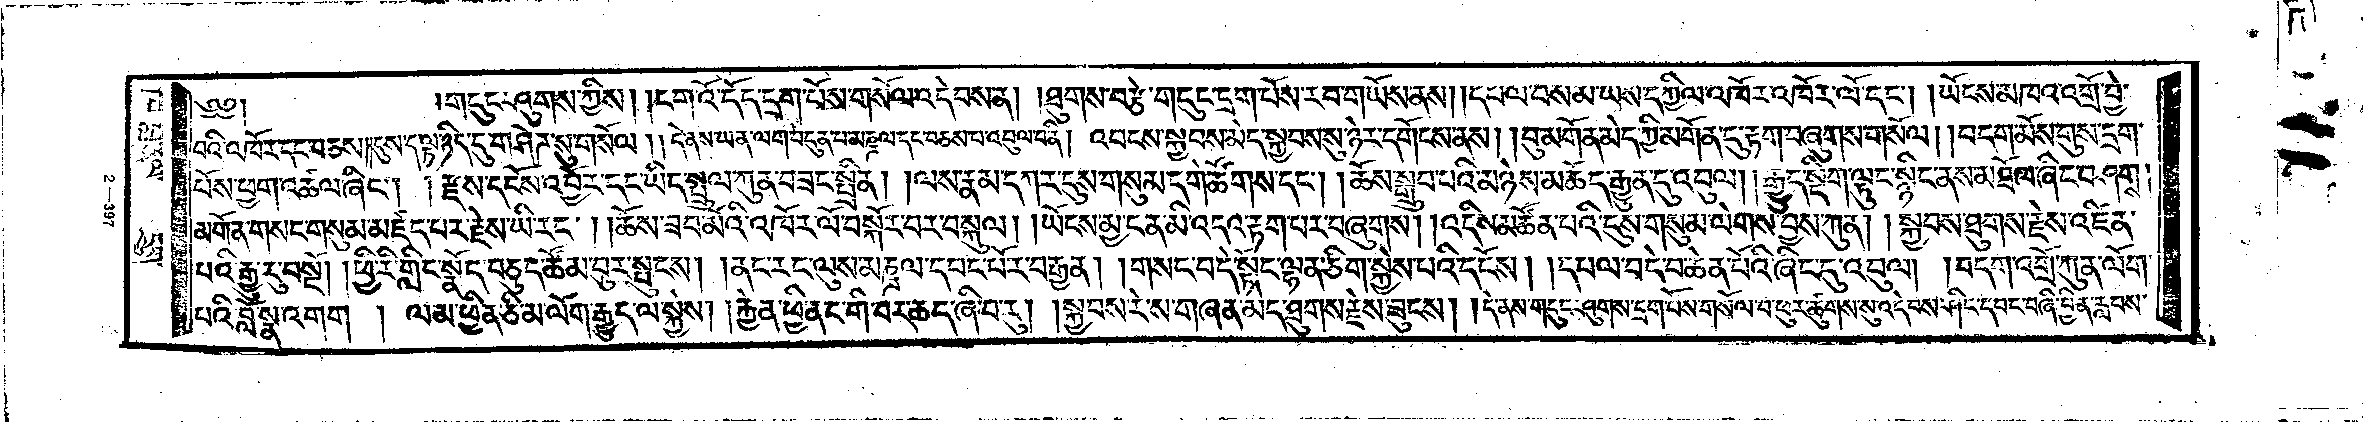༄༅། །གདུང་ཤུགས་ཀྱིས། །ངག་འོ་དོད་དྲག་པོས་གསོལ་འདེབས་ན། །ཐུགས་བརྩེ་གདུང་དྲག་པོས་རབ་གཡོས་ནས། །དཔལ་བསམ་ཡས་དཀྱིལ་འཁོར་འཁོར་ལོ་དང་། །ཡོངས་མཁའ་འགྲོ་བྱེ་
བའི་འཁོར་དང་བཅས། །དུས་ད་ལྟ་ཉིད་དུ་གཤེཌ་སུ་གསོལ། །དེ་ནས་ཡན་ལག་བདུན་པ་མཎྜལ་དང་བཅས་པ་འབུལ་བ་ནི།  འབངས་སྐྱབས་མེད་སྐྱབས་སུ་ཉེར་དགོངས་ནས། །བུ་མགོན་མེད་ཀྱི་མགོན་དུ་རྟག་བཞུགས་གསོལ། །བདག་མོས་གུས་དྲག་
པོས་ཕྱག་འཚལ་ཞིང་། །རྫས་དངོས་འབྱོར་དང་ཡིད་སྤྲུལ་ཀུན་བཟང་སྤྲིན། །ལས་རྣམ་དཀར་དུས་གསུམ་དགེ་ཚོགས་དང་། །ཆོས་སྒྲུབ་པའི་མཉེས་མཆོད་རྒྱུན་དུ་འབུལ། །རྒྱུད་སྡིག་ལྟུང་སྙིང་ནས་མཐོལ་ཞིང་བཤགས།
མགོན་གསང་གསུམ་མཛད་པར་རྗེས་ཡི་རང་། །ཆོས་ཟབ་མོའི་འཁོར་ལོ་བསྐོར་བར་བསྐུལ། །ཡོངས་མྱ་ངན་མི་འདའ་རྟག་པར་བཞུགས། །འདིས་མཚོན་པའི་དུས་གསུམ་ལེགས་བྱས་ཀུན། །སྐྱབས་ཐུགས་རྗེས་འཛིན་
པའི་རྒྱུ་རུ་བསྔོ། །ཕྱི་རི་གླིང་སྣོད་བཅུད་ཚོམ་བུར་སྤུངས། །ནང་རང་ལུས་མཎྜལ་དབང་པོར་བརྒྱན། །གསང་བདེ་སྟོང་ལྷན་ཅིག་སྐྱེས་པའི་དངོས། །དཔལ་བདེ་བ་ཆེན་པོའི་ཞིང་དུ་འབུལ། །བདག་འགྲོ་ཀུན་ལོག་
པའི་བློ་སྣ་འགག །ལམ་ཕྱིན་ཅི་མ་ལོག་རྒྱུད་ལ་སྐྱེས། །རྐྱེན་ཕྱི་ནང་གི་བར་ཆད་ཞི་བ་རུ། །སྐྱབས་རེ་ས་གཞན་མེད་ཐུགས་རྗེས་ཟུངས། །དེ་ནས་གདུང་ཤུགས་དྲག་པོས་གསོལ་བ་ཕུར་ཚུགས་སུ་འདེབས་ཤིང་དབང་བཞི་བྱིན་རླབས་